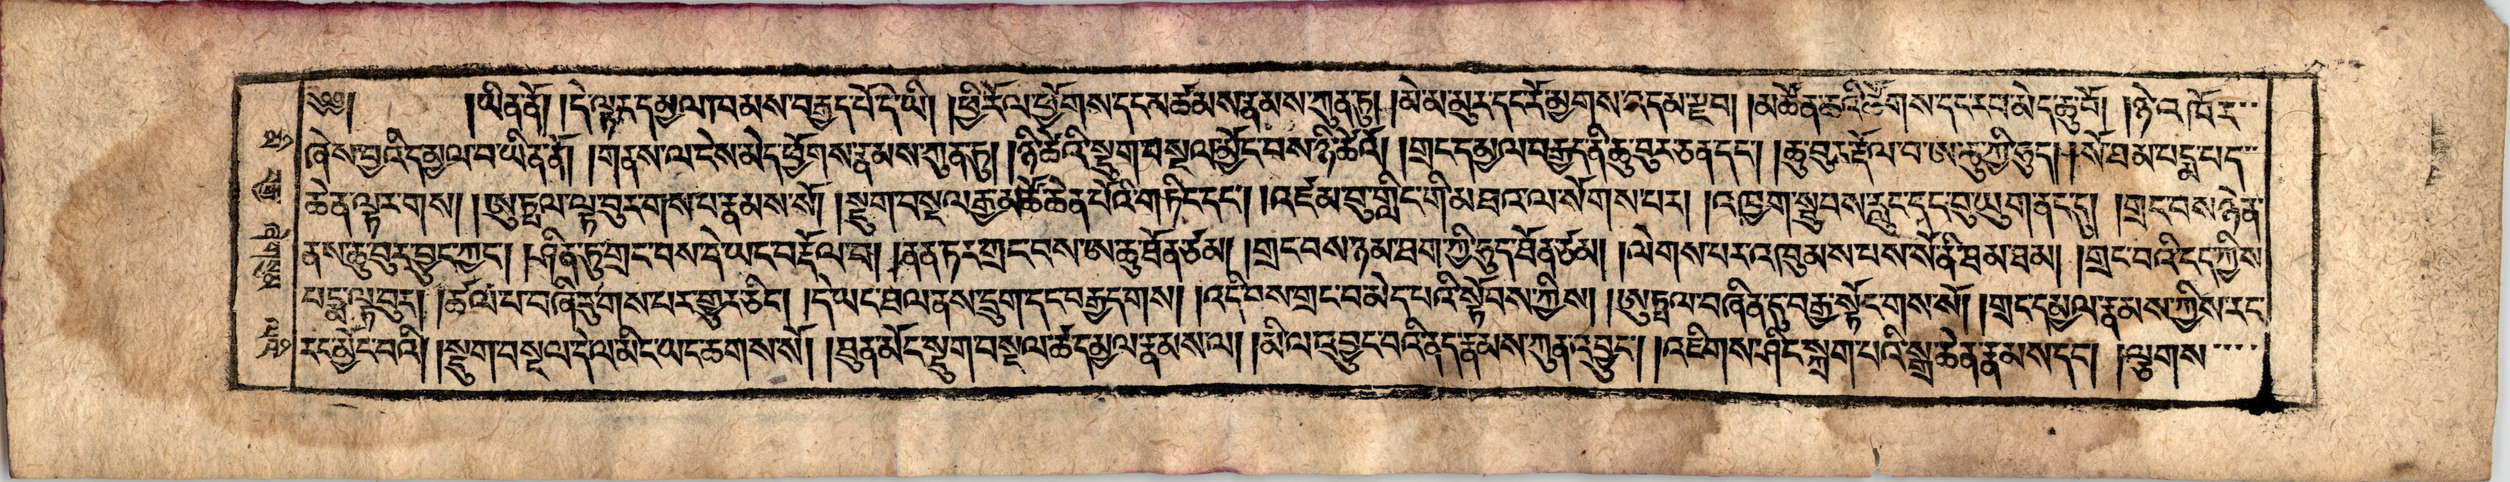ཡིན་ནོ། །དེ་ལྟར་དམྱལ་ཁམས་བརྒྱད་པོ་དེ་ཡི། །ཕྱིར་ལ་ཕྱོགས་དང་འཚམས་རྣམས་ཀུན་ཏུ། །མེ་མ་མུར་དང་རོ་མྱགས་འདམ་རྫབ། །མཚོན་ཆའི་ཚིགས་དང་རབ་མེད་ཆུ་བོ། །ཉེ་འཁོར་
ཞེས་བྱའི་དམྱལ་བ་ཡིན་ནོ། །གནས་ལ་ངེས་མེད་ཕྱོགས་རྣམས་ཀུན་ཏུ། །ཉི་ཚེའི་སྡུག་བསྔལ་མྱོང་བས་ཚེའོ། །གྲང་དམྱལ་བརྒྱད་ནི་ཆུ་བུར་རྐ་དང་། །ཆུ་བུར་རྡོལ་བ་ཨ་ཆུ་་ཀྱི་ཧུད། །སོ་ཐམ་པདྨ་པད་
ཆེན་ལྟར་གས། །ཨུཏྤལ་ལྟ་བུར་གས་པ་རྣམས་སོ། །སྡུག་བསྔལ་རྒྱ་མཚོ་ཆེན་པོའི་གཏིང་དང་། །འཛམ་བུ་གླིང་གི་མཐའ་ལ་སོགས་པར། །འཁྱག་སྦུབས་རླུང་དང་བུ་ཡུག་ནང་དུ། །གྲང་བས་ཉེན་
ནས་ཆུ་བུར་བྱུང་ཀྱང་། །ཤིན་ཏུ་གྲང་བས་དེ་ཡང་བརྡོལ་བ། །ནན་ཏར་གྲང་བས་ཨ་ཆུ་ཐོན་ཙམ། །གྲང་བས་ཉམ་ཐག་ཀྱི་ཧུད་ཐོན་ཙམ། །ལེགས་པར་འཁུམས་པས་སོ་ནི་ཐམ་ཐམ། །གྲང་བའི་ནད་ཀྱིས་
པདྨ་ལྟ་བུར། །ཚལ་པ་བཞི་རུ་གས་པར་གྱུར་ཅིང་། །དེ་ཡང་ཐལ་ནས་དྲུག་དང་བརྒྱད་གས། །འདི་བས་གྲང་བ་མེད་པའི་སྟོབས་ཀྱིས། །ཨུཏྤལ་བཞིན་དུ་བརྒྱ་སྟོང་གས་སོ། །གྲང་དམྱལ་རྣམས་ཀྱིས་རང་
རང་མྱོང་བའི། །སྡུག་བསྔལ་དེ་ལ་མིང་ཡང་ཆགས་སོ། །ཐུན་མོང་སྡུག་བསྔལ་ཚ་དམྱལ་རྣམས་ལ། །མི་ལ་འབྱུང་བའི་ནད་རྣམས་ཀུན་འབྱུང་། །འཇིགས་ཤིང་སྐྲག་པའི་སྒྲ་ཆེན་རྣམས་དང་། །ལྕགས་